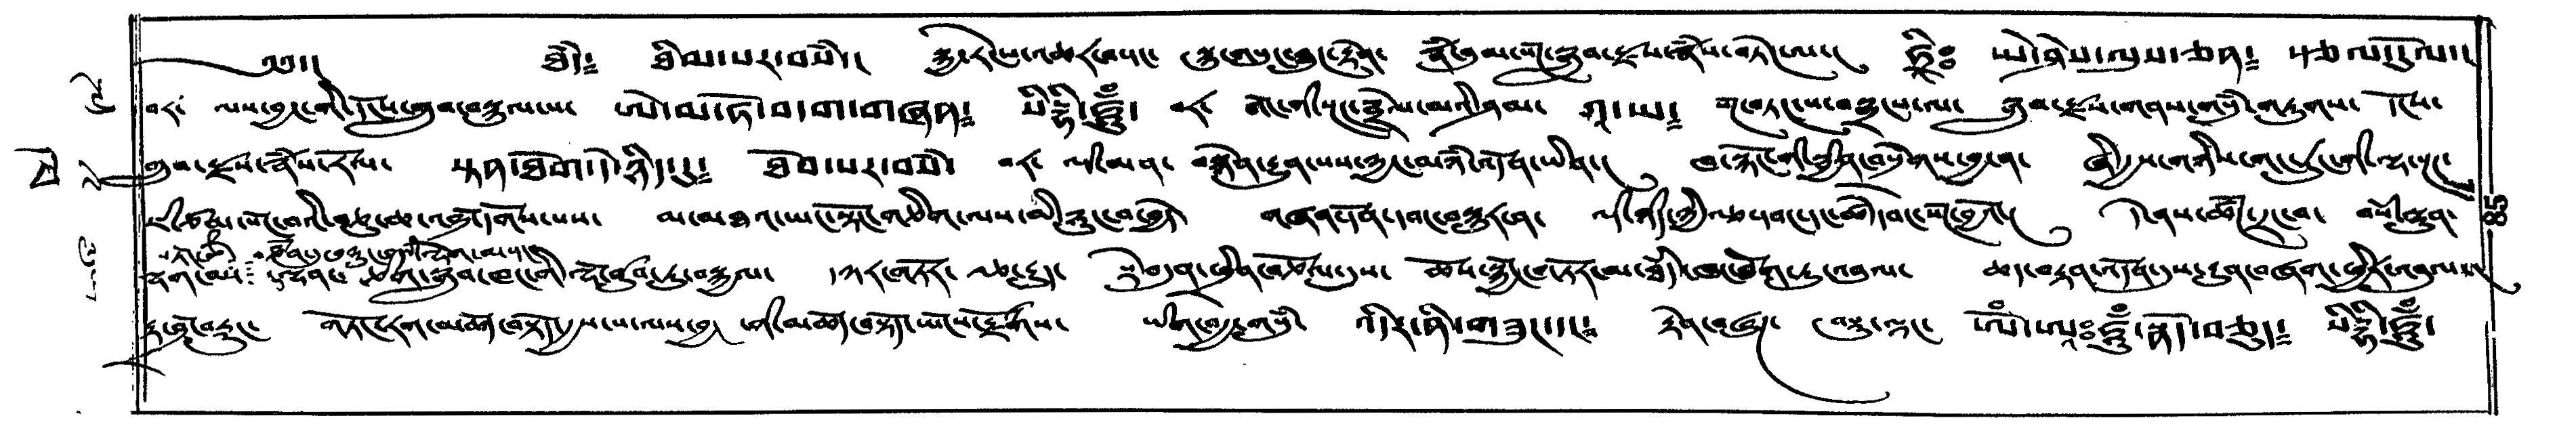ཐམས་ཅད༴ ཐིམ་པར་བསམ། སྐྱ་རེངས་འཆར་བ་དང་། སྐུ་གསུང་ཐུགས་རྟེན། རྣམ་བུམ་སོགས་སྒྲུབ་རྫས་རྣམས་བཏེགས་ལ། ཧྲཱིཿ ཡེ་ཤེས་ལུས་ཅན༴ བསྩལ་དུ་གསོལ། 
བར། ལས་བྱང་གི་དངོས་གྲུབ་བསྐུལ་པ། ཨེ་མ་ཧོ་བདག་གཞན༴ སིདྡྷི་ཧཱུྃ། བར། གོང་གི་སྔགས་སྦྲེལ་མའི་ཤམ། ཀཱ་ཡ༴ སོགས་བཏགས་པ་བསྒྲངས་ལ། སྒྲུབ་རྫས་གནས་གསུམ་གཏུགས། དངོས་
གྲུབ་རྫས་རྣམས་རོལ། སྟན་ཐོག་དེ་ཉིད་དུ༴ ཐོབ་པར་བསམ། བར། འདི་མན། བསྙེན་རྒྱུན་པས་ཀྱང་མཉམ་འདོན་ཡིན། ཁ་སྐོང་གི་སྦྱིན་སྲེག་བྱ་ན། ཞི་རྒྱས་གཉིས་གང་རུང་གི་ལྷ་སྔགས་
ཇི་ཙམ་སོང་བའི་བཅུ་ཆ་འགྲོ་དགོས་པས། མ་མཐའ་ཡང་སྟོང་གཅིག་ལས་མི་ཉུང་བ་བྱེད། གཞན་དོན་དབང་བསྐུར་ན། འདི་ཉིད་ཀྱི་རྩ་དབང་དང་ཚེ་དབང་སོགས་བྱའོ།། དེ་ནས་ཚོགས་དྲང་བ། བསམ་ལྷུན་
ལྷག་མ་བཏོང་ཚེ་བཙོན་དུ་བཟུང་བའི་ལྷག་མ་དང་ལྷན་ཅིག་སྒྲུབ་ཁང་གི་ལྷོ་ནུབ་ཏུ་བསྐྱལ། དཀར་གཏོར། རྩ་རྒྱུད། སྡེ་བདུན་ཕྲིན་བཅོལ་དུས་ཆོས་སྐྱོང་གཏོར་མ་ཐམས་ཅད་ཁང་ཐོག་ཏུ་འཕུལ། ཆད་བརྟན་འདོན་དུས་རྒྱུན་བཞག་ཕྱིར་འབུལ། 
རྟ་བྲོ་བརྡུང་། གཏོང་རག་མཆོད་བསྟོད་རྒྱས་པ་ལས་བྱང་གི་མཆོད་བསྟོད་ཡོངས་རྫོགས། ཡིག་བརྒྱ་གསུམ། འདིར་ནི་གཟུགས་དང༴ བ རྟན་བཞུགས། བསྡུ་ལྡང་། ཨོཾ་ཨཱཿཧཱུྃ་སྣོད་བཅུད༴ སིདྡྷི་ཧཱུྃ་